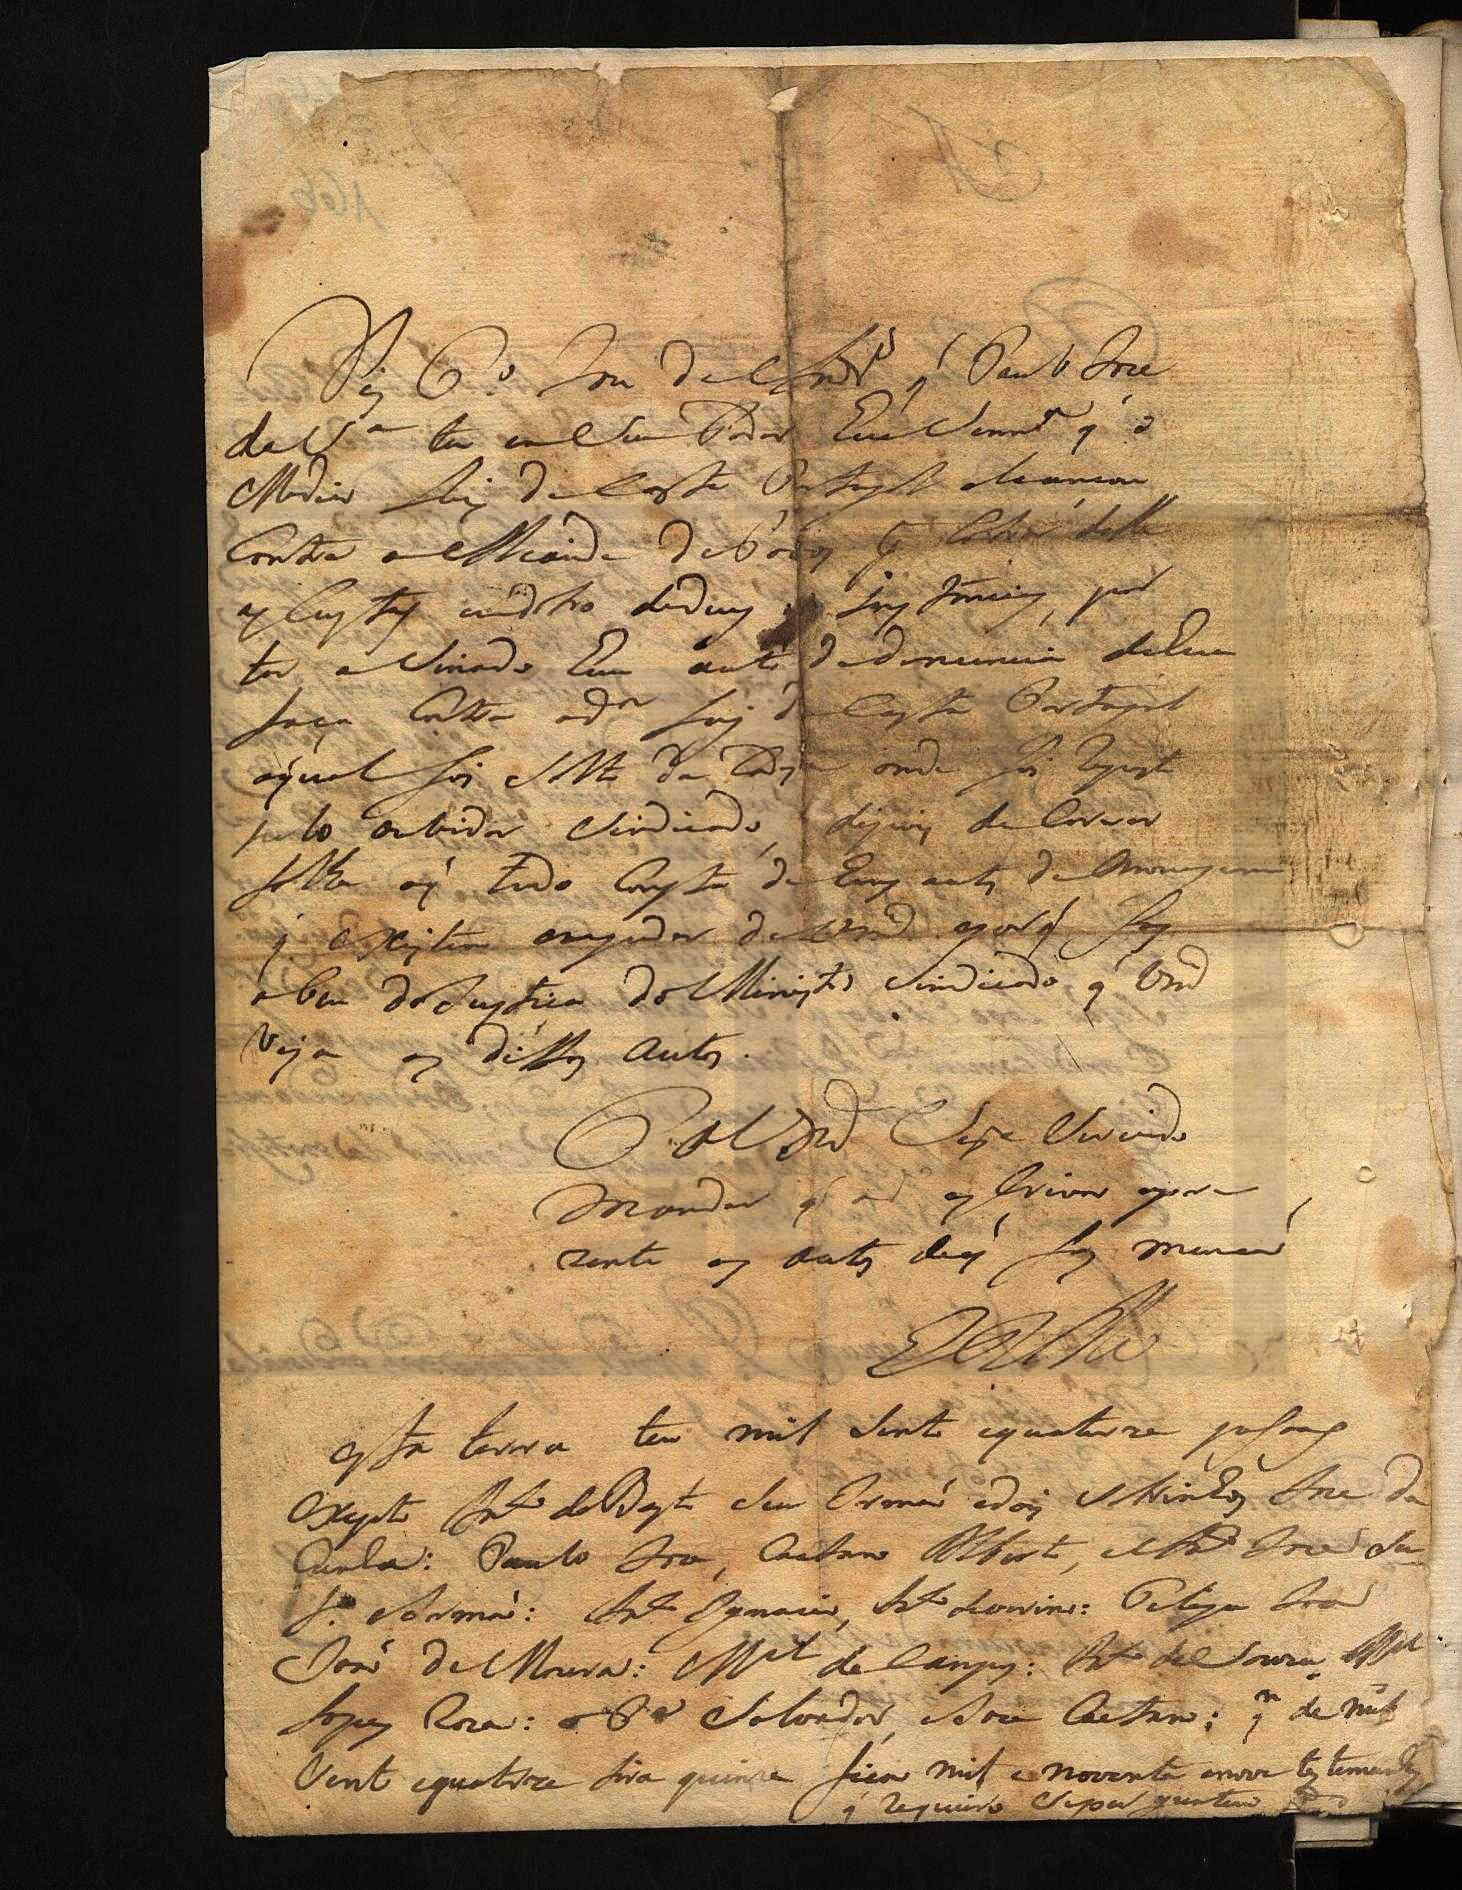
Dis G.o Ioze de Andre q̄ Paulo Ioze
da sa ten en seu Poder hua Senn.a q̄ o
Medico Luis de Costa Portugal alcançou
Contra o Alcaide de Portos p̄ Cobrar della
as Custas en dobro de duas _ Instruçois, por
ter asinado hum auto de denuncia de hua
faça Contra o d.o Luis d Costa Portugal
o qual foi Solto da Cadeya onde foi Reposto
pelo ouvidor sindicado, dipois de Correr
folha o q̄ tudo Consta de huns autos de Omeagem
q̄ existem em poder de vme e porq̄ fas
a ben da Iustiça do Ministo Sindicado q̄ V m.e
veja os dittos autos.
P. a Vme Seje servido
mandar q̄ o do esCrivan apre
zente os autos de q̄ fas mençaõ
E. R. Me
esta terra tem mil sento e quatorze pesoas
exepto An.to de Basto Seu Ermaõ e dois Sobrinhos Ioze da
Cunha: Paulo Ioze, Caetano Alberto, e Anto Ioze Sa
t.o Sormaõ: An.to Egnacio, Anto severino: Felipe Ioaõ
Ioaõ de Moura: Mel de Campos: Anto de Souza Mel
Lopes Roza: o Pe Salvador, e Ioze Caetano; qn de mil
sento e quatorze tira quinze fica mil e noventa e nove testemunhas
q̄ Requeiro se perguntem
